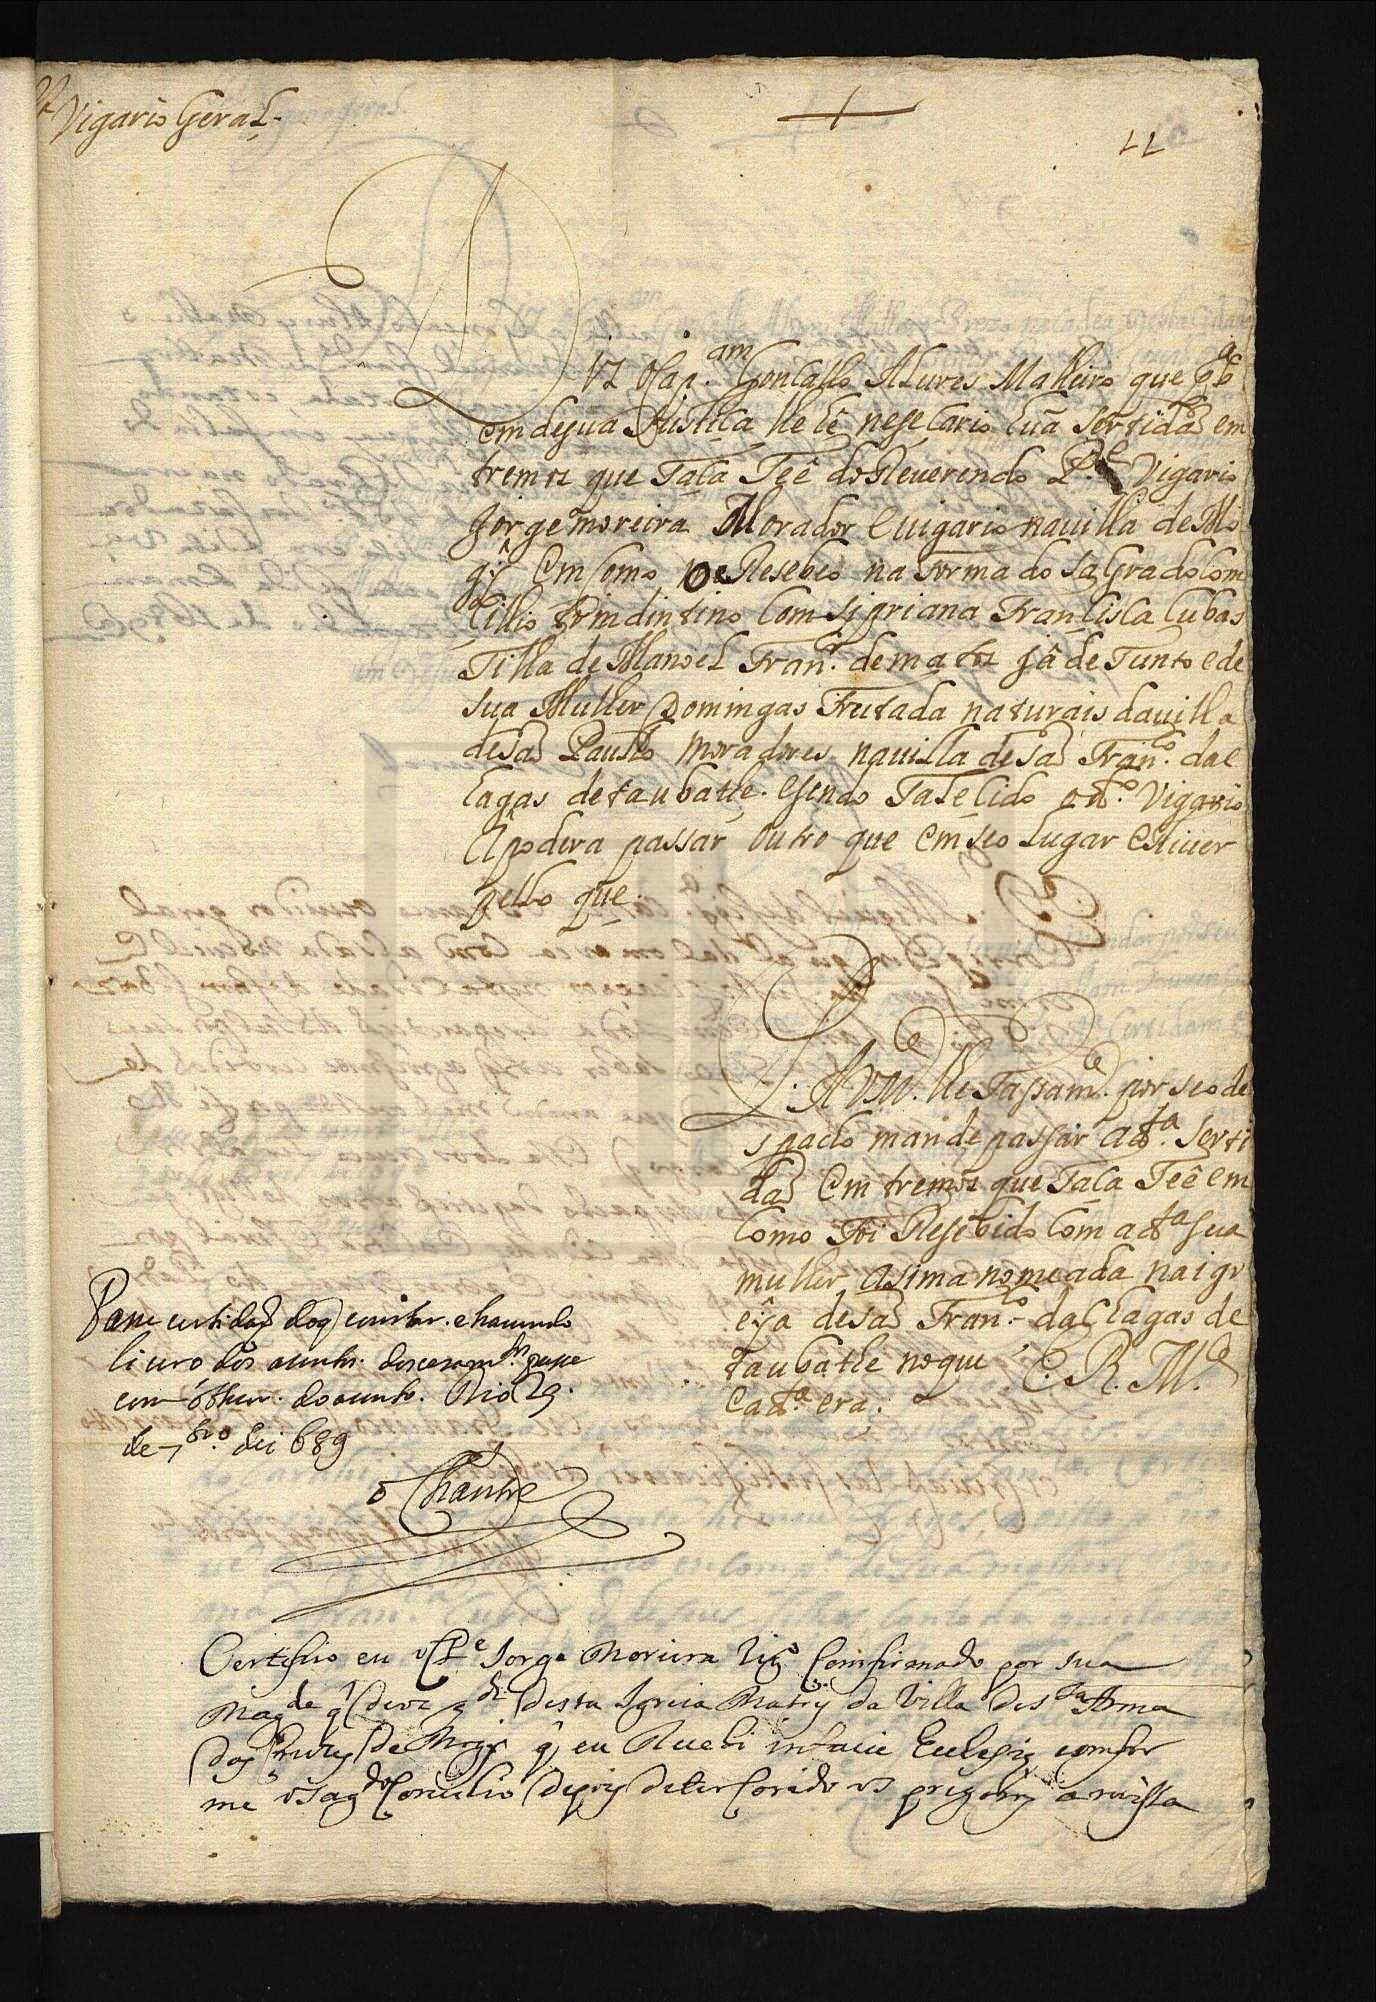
Vigario Geral.
11
Diz o Cap.am Gonçallo Alures Malheiro que pa b
em de sua Iustiça lhe hê neseÇario huā sertidaõ em
tremos que Faça Feê do Reuerendo P.e Vigario
Jorge moreira Morador E uigario na uilla de Mo
gy em Como o Resebeo na Forma do salgrado Com
Cillio trimdintino Com sjpriana FranCisCa Cubas
Filha de Manoel Fran.co de matoz jâ deFunto e de
Sua Mulher Domingas Frutada naturais da uilla
de saõ Paullo moradores na uilla de saõ Fran.co da c
hagas de taubathe; e sendo FaleCido o d̄.o Vigario
A podera passar outro que em seo Lugar estiuer
pello que.
P. A V M.ce lhe Fassa m.ce por seo de
spacho mande passar a d̄.a serti
daõ em tremos que Faça Feê em
Como Foi Resebido Com a d̄a sua
mulher asima nomeada na igr
eya de saõ Fran.co da Chagas de
taubathe no que
e a d̄.a era.
E. R. M.ce
Passe certidaõ do q̄ constar. e hauendo
liuro dos acentos. dos cazam.tos passe
com o theor. do acento. Rio 29.
de 7.bro de i689
o Chantre
Certifico eu o Pe Iorge Moreira Vigo Comfirmado por sua
Magde q̄ deoz gde desta Igreia Matris da Villa de sta Anna
das Cruzes de Mogy q̄ eu Recebi in facie Ecclesiæ comfor
me o sagdo Concilio depois de ter Corido os pregadores a missa
